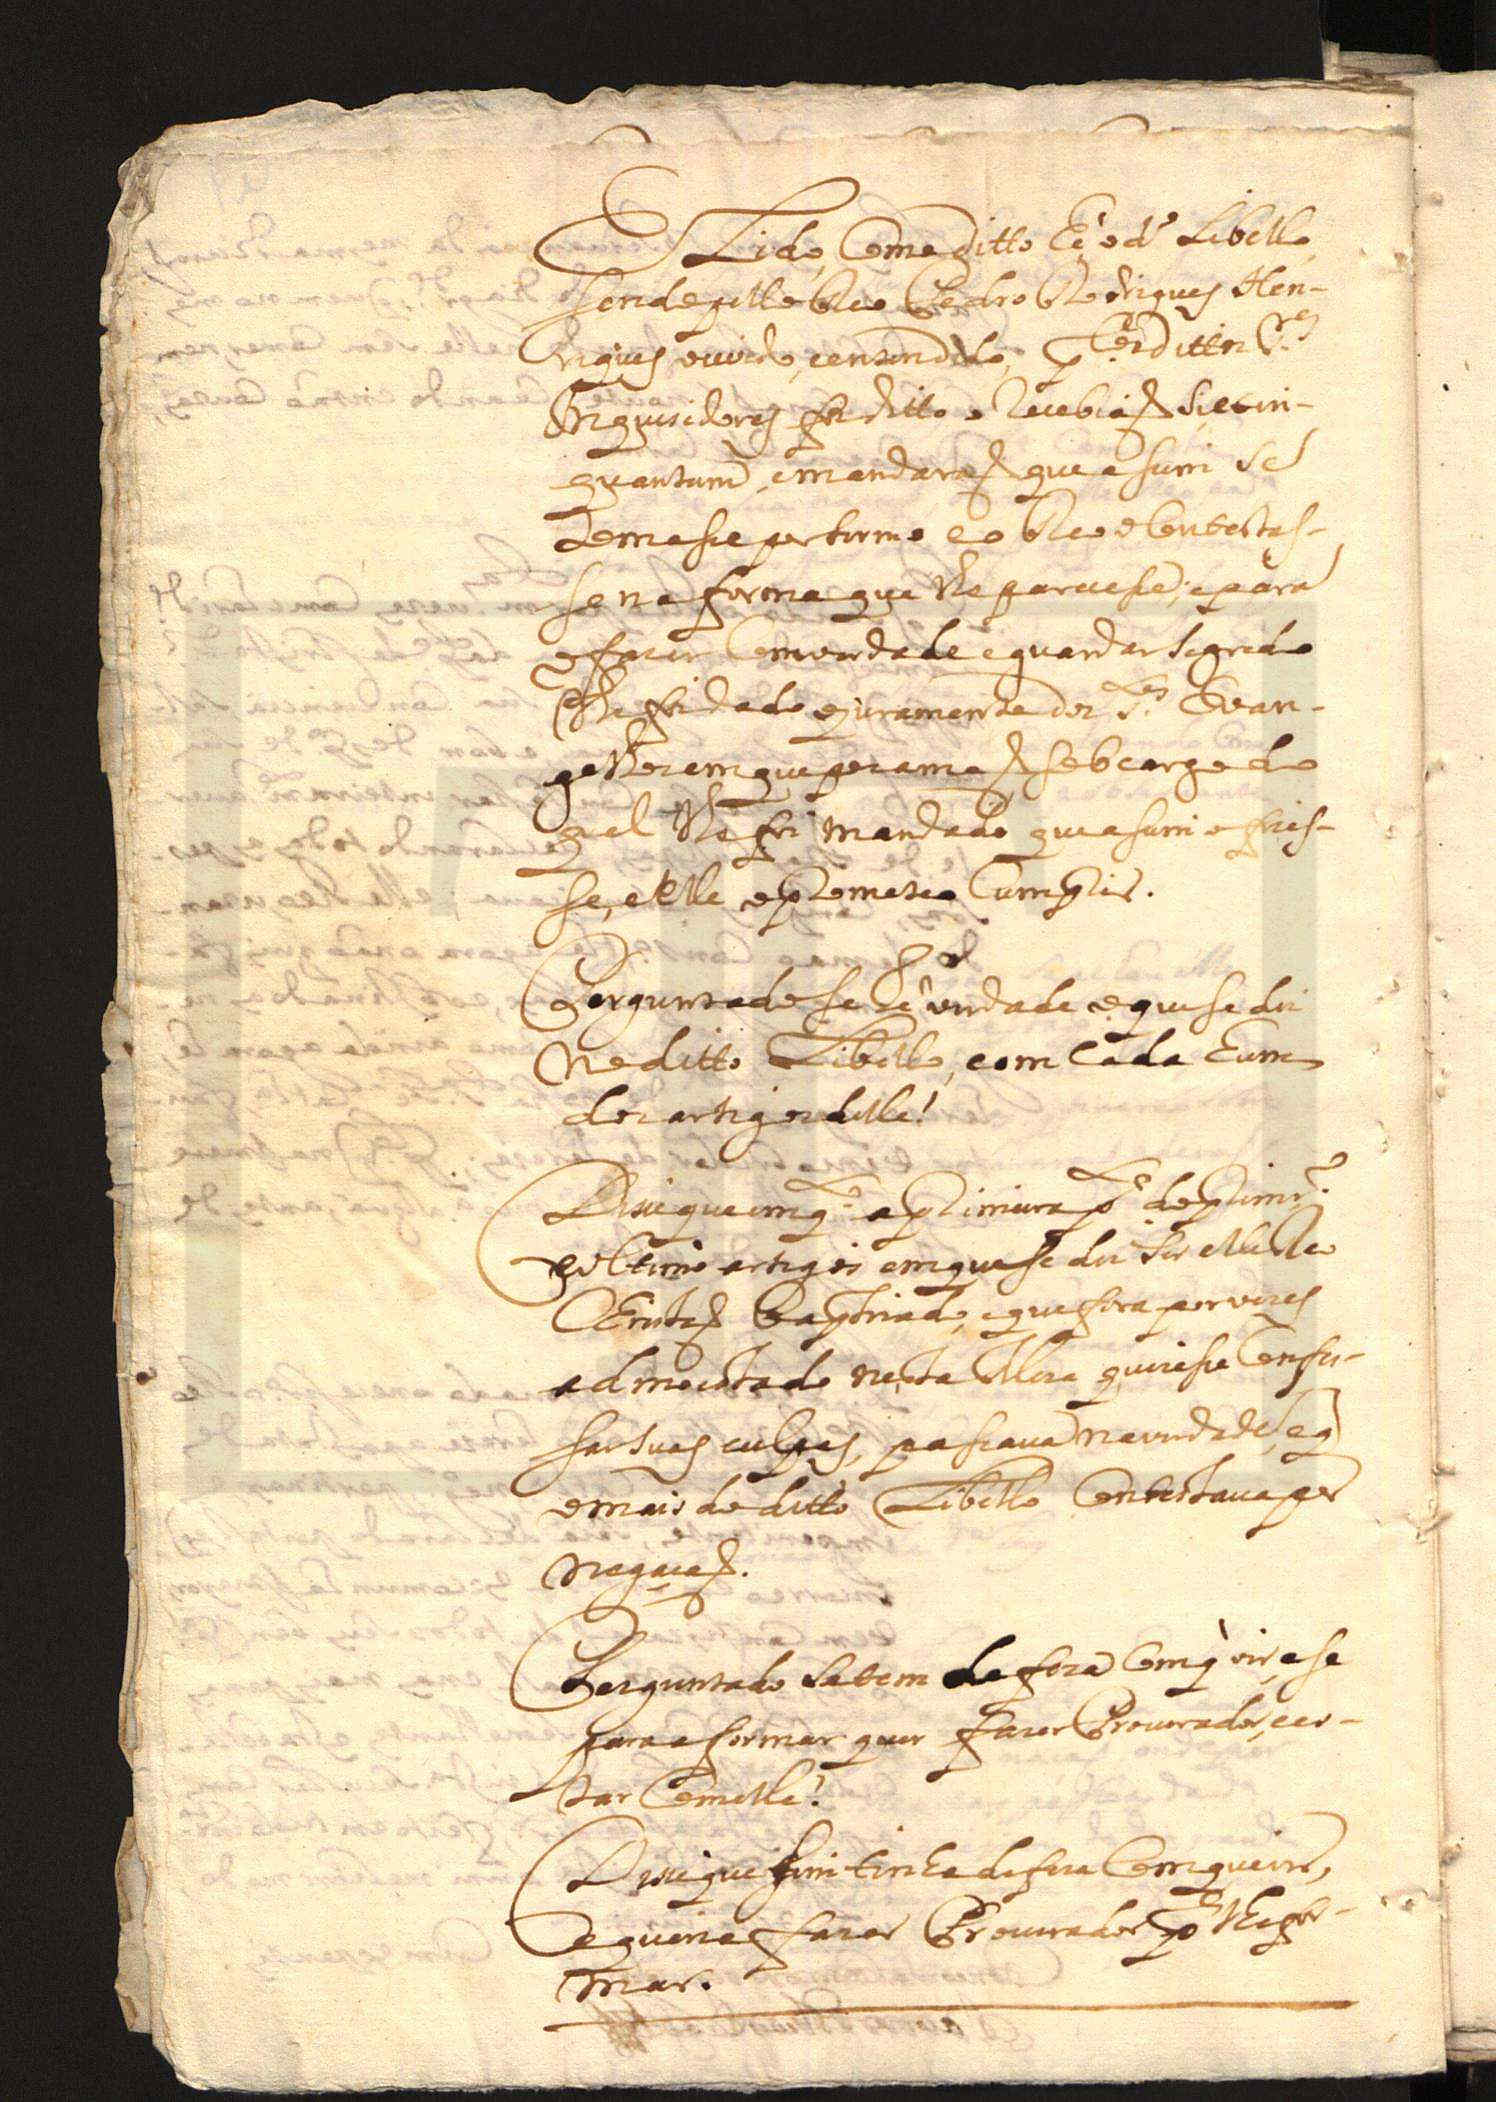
E Lido, Como ditto hé o do Libello
sendo pello Reo Pedro Rodrigues Hen
riques ouuido, e entendendo, plos dittos s.res
Inquisidores foi ditto o Recebiaõ si et in
quantum, e mandaraõ que assim se
tomasse por termo e o Reo o Contestas
se na forma que lho parecesse; e para
o fazer Com verdade e guardar segredo
lhe foi dado o juramento dos s.tos Evan
gelhos em que pos a maõ sob cargo do
qual lhe foi mandado que assim o fizes
se, e elle o prometeo Cumprir.
Perguntado se he verdade o que se diz
no ditto Libello, com cada hum
dos artigos delle?
Disse que emq.to a primeira pte do primr.o
e ultimo artigos em que se diz ser elle Reo
Christaõ baptizado, e que fora por vezes
admoestado nesta Meza quizesse Confes
sar suas culpas, passaua na verdade, e q̄
o mais do ditto Libello Contestaua por
negaçaõ.
Perguntado se tem defeza Com q̄ vir, e se
para a formar quer fazer Procurador, e es
tar Com elle?
Disse que sim tinha defeza Com que ir,
e queria fazer Procurador pa lhe for
mar.
